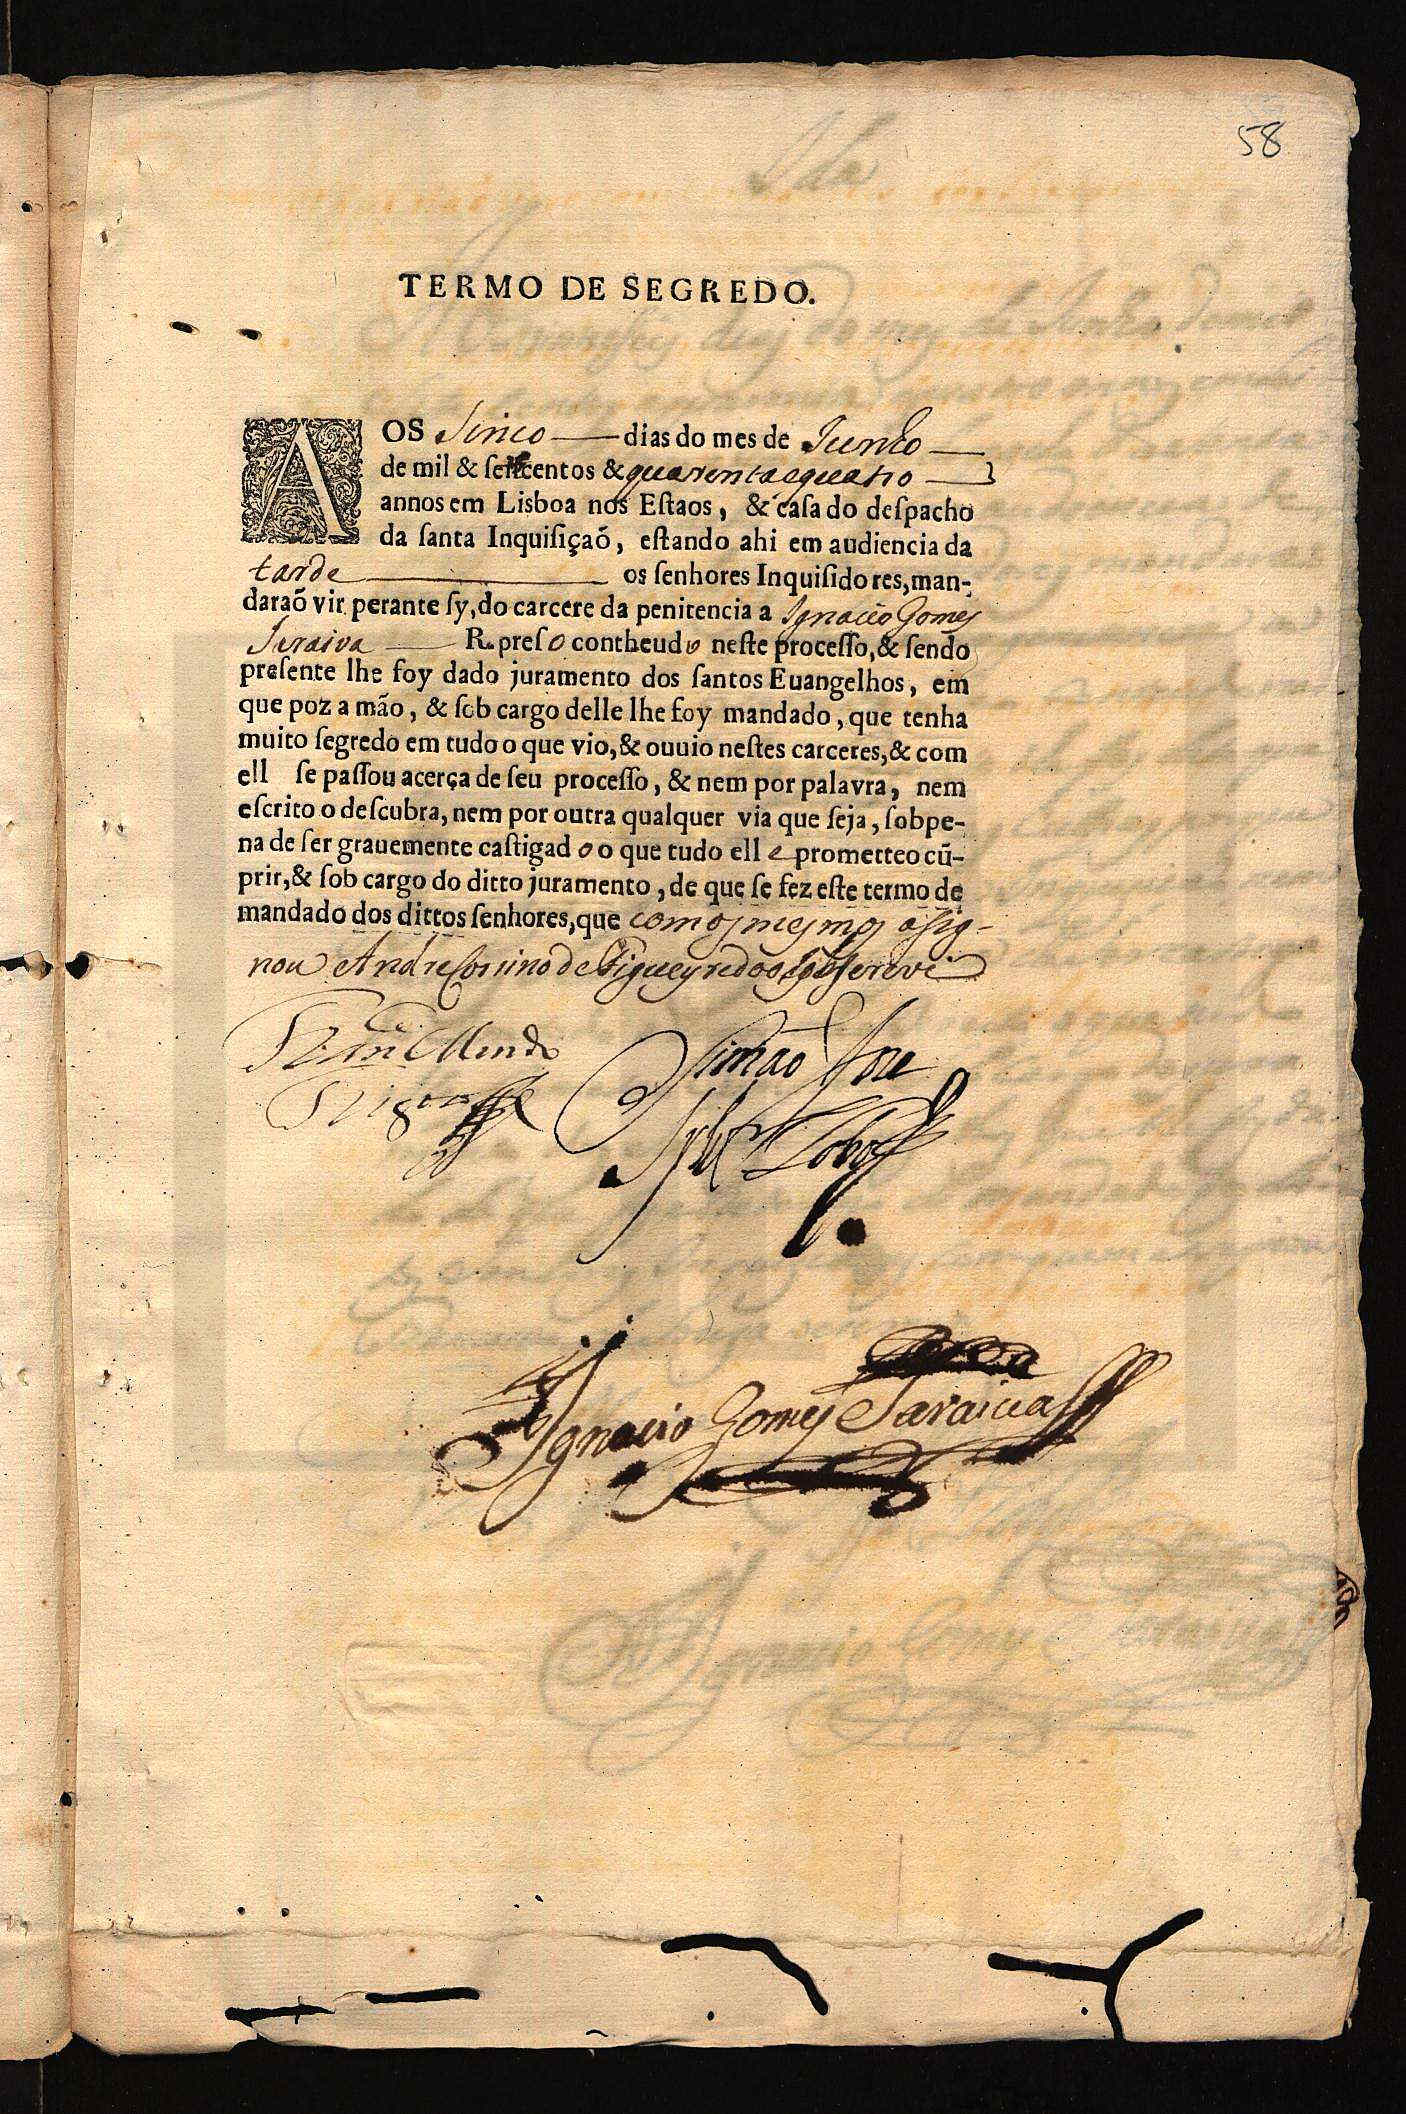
TERMO DE SEGREDO.
OS Sinco - dias do mes de Iunho
de mil & setecentos & quarenta e quatro
annos em Lisboa nos Estaos, & casa do despacho
da santa Inquisiçaõ, estando ahi em audiencia da
tarde
os senhores Inquisidores, man
daraõ vir perante sy, do carcere da penitencia a Ignacio Gomes
Saraiva - R. preso contheudo neste processo, & sendo
presente lhe foy dado juramento dos santos Euangelhos, em
que poz a mão, & sob cargo delle lhe foy mandado, que tenha
muito segredo em tudo o que vio, & ouuio nestes carceres, & com
ell se passou acerca de seu processo, & nem por palavra, nem
escrito o descubra, nem por outra qualquer via que seja, sob pe
na de ser grauemente castigado o que tudo elle prometteo cū
prir, & sob cargo do ditto juramento, de que se fez este termo de
mandado dos dittos senhores, que com os mesmos asig
nou Andre Consino de Figueyredo o sobscrevi
Franco Mendo
Simaõ Joze
Trigozo
Sylv.r Lobo
Ignacio Gomes Saraiua
